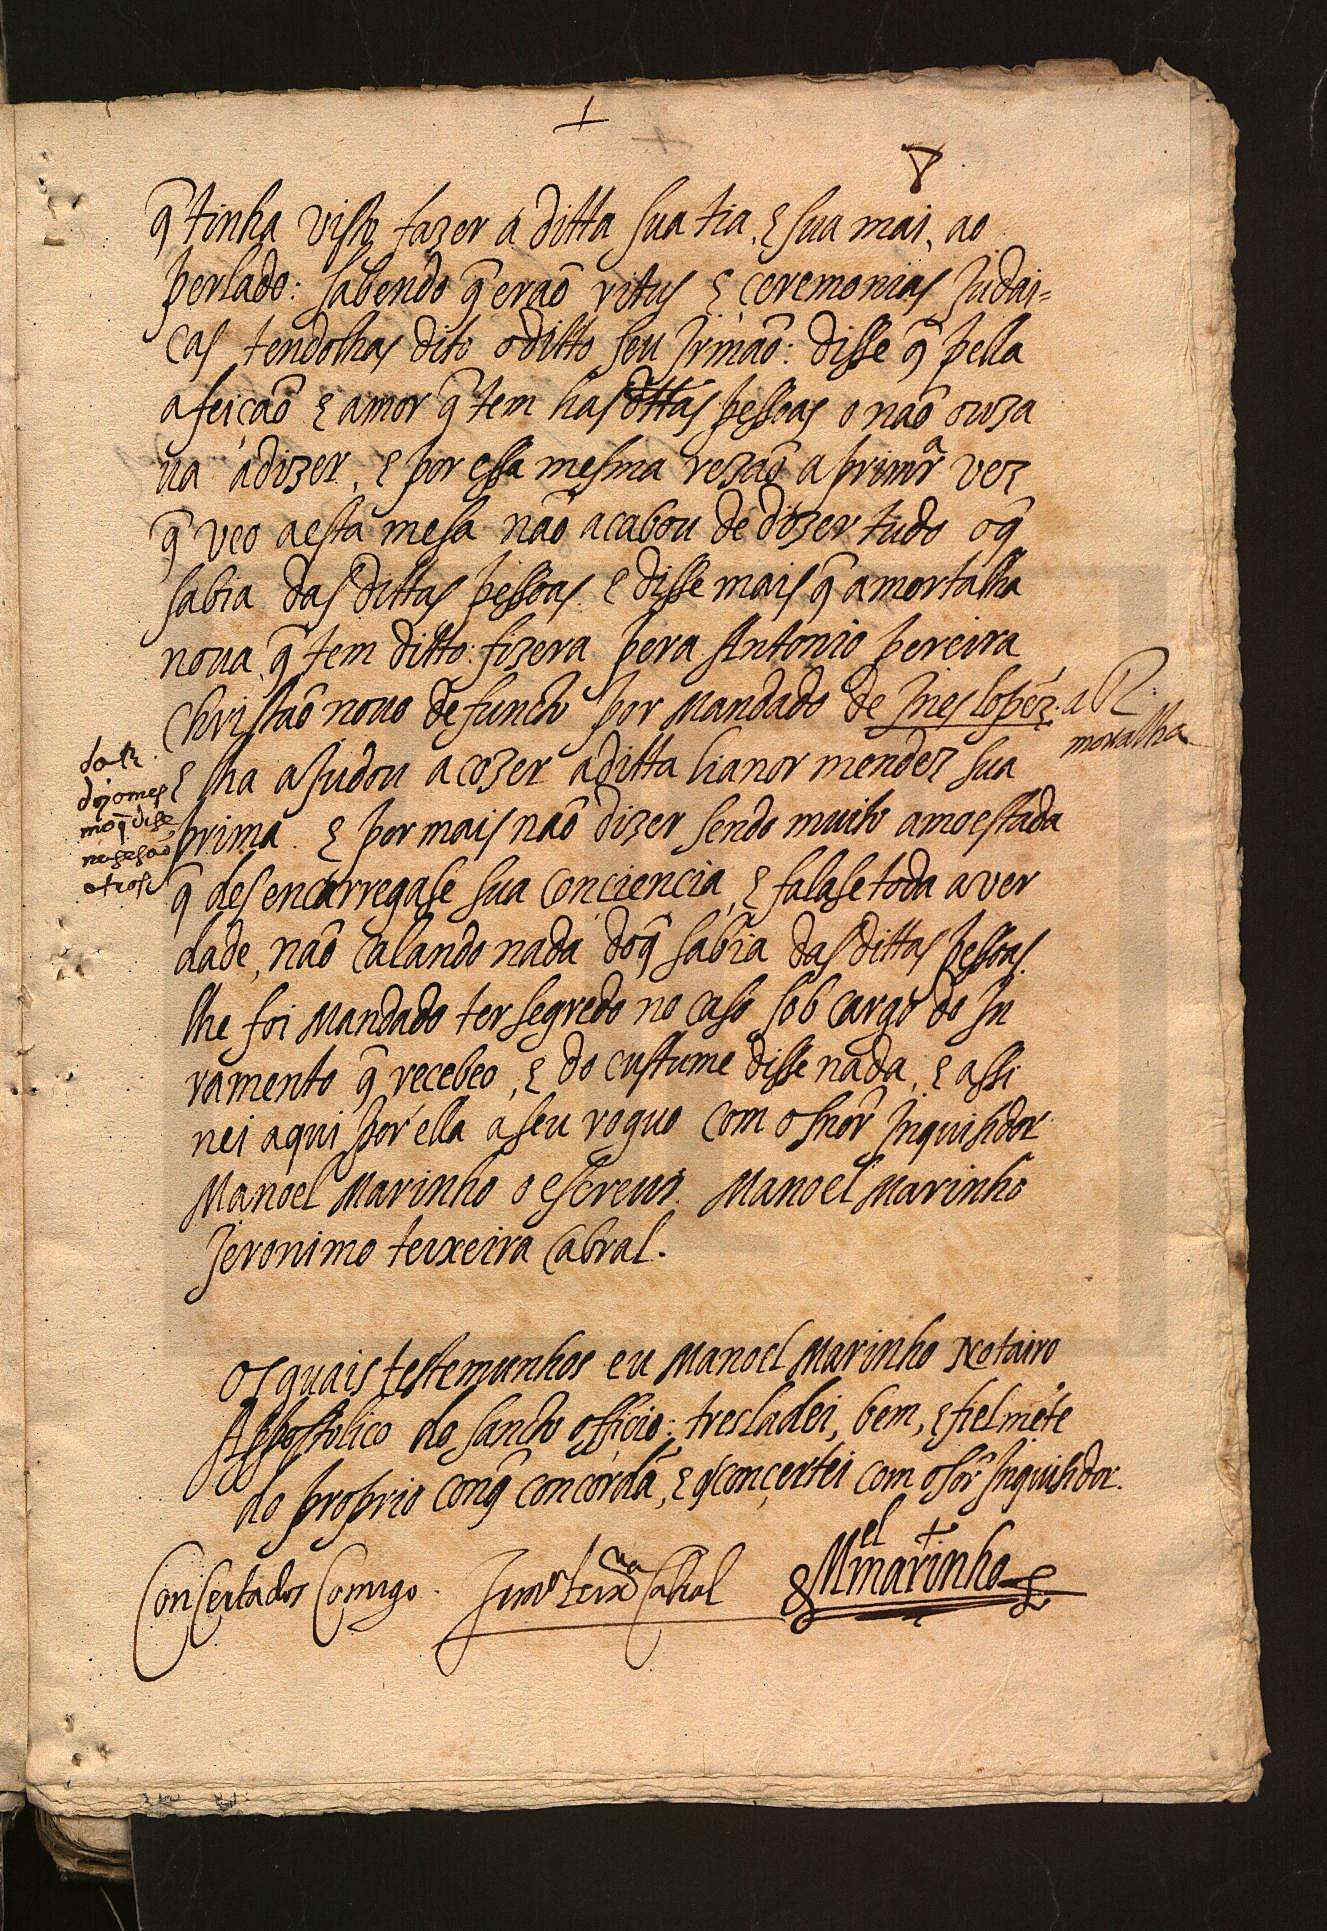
q̅ tinha visto fazer a ditta sua tia, E sua mai, ao
perlado: sabendo q̅ eraõ ritus E çeremonias Judai
cas tendolhas dito o ditto seu Jrmaõ: disse q̅ pella
afeiçaõ E amor q̅ tem has d̅ttas pessoas o naõ ouza
ua a dizer, E por essa mesma rezaõ a primra vez
q̅ veo a esta mesa não acabou de dizer tudo o q̅
sabia das dittas pessoas E disse mais q̅ a mortalha
noua, q̅ tem ditto: fizera pera Antonio pereira
Christaõ nouo defuncto por Mandado de Jnes Lopez̄
E lha aJudou a cozer a ditta lianor mendez sua
prima. E por mais naõ dizer sendo muito amoestada
q̅ desencarregase sua conçiencia, E falase toda a ver
dade, naõ calando nada do q̅ sabia das dittas pessoas
lhe foi Mandado ter segredo no caso sob cargo do Ju
ramento q̅ reçebeo, E do custume disse nada, E assi
nei aqui por ella a seu roguo com o sno̅r Jnquisidor
Manoel Marinho o escreui Manoel Marinho
Jeronimo teixeira Cabral.
Os quais testemunhos eu Manoel Marinho Notairo
Appostolico do Sancto offiçio: tresladei, bem, E fielme̅te
do proprio con q̅ concorda̅, E os conçertei com o so̅r Jnquisidor.
